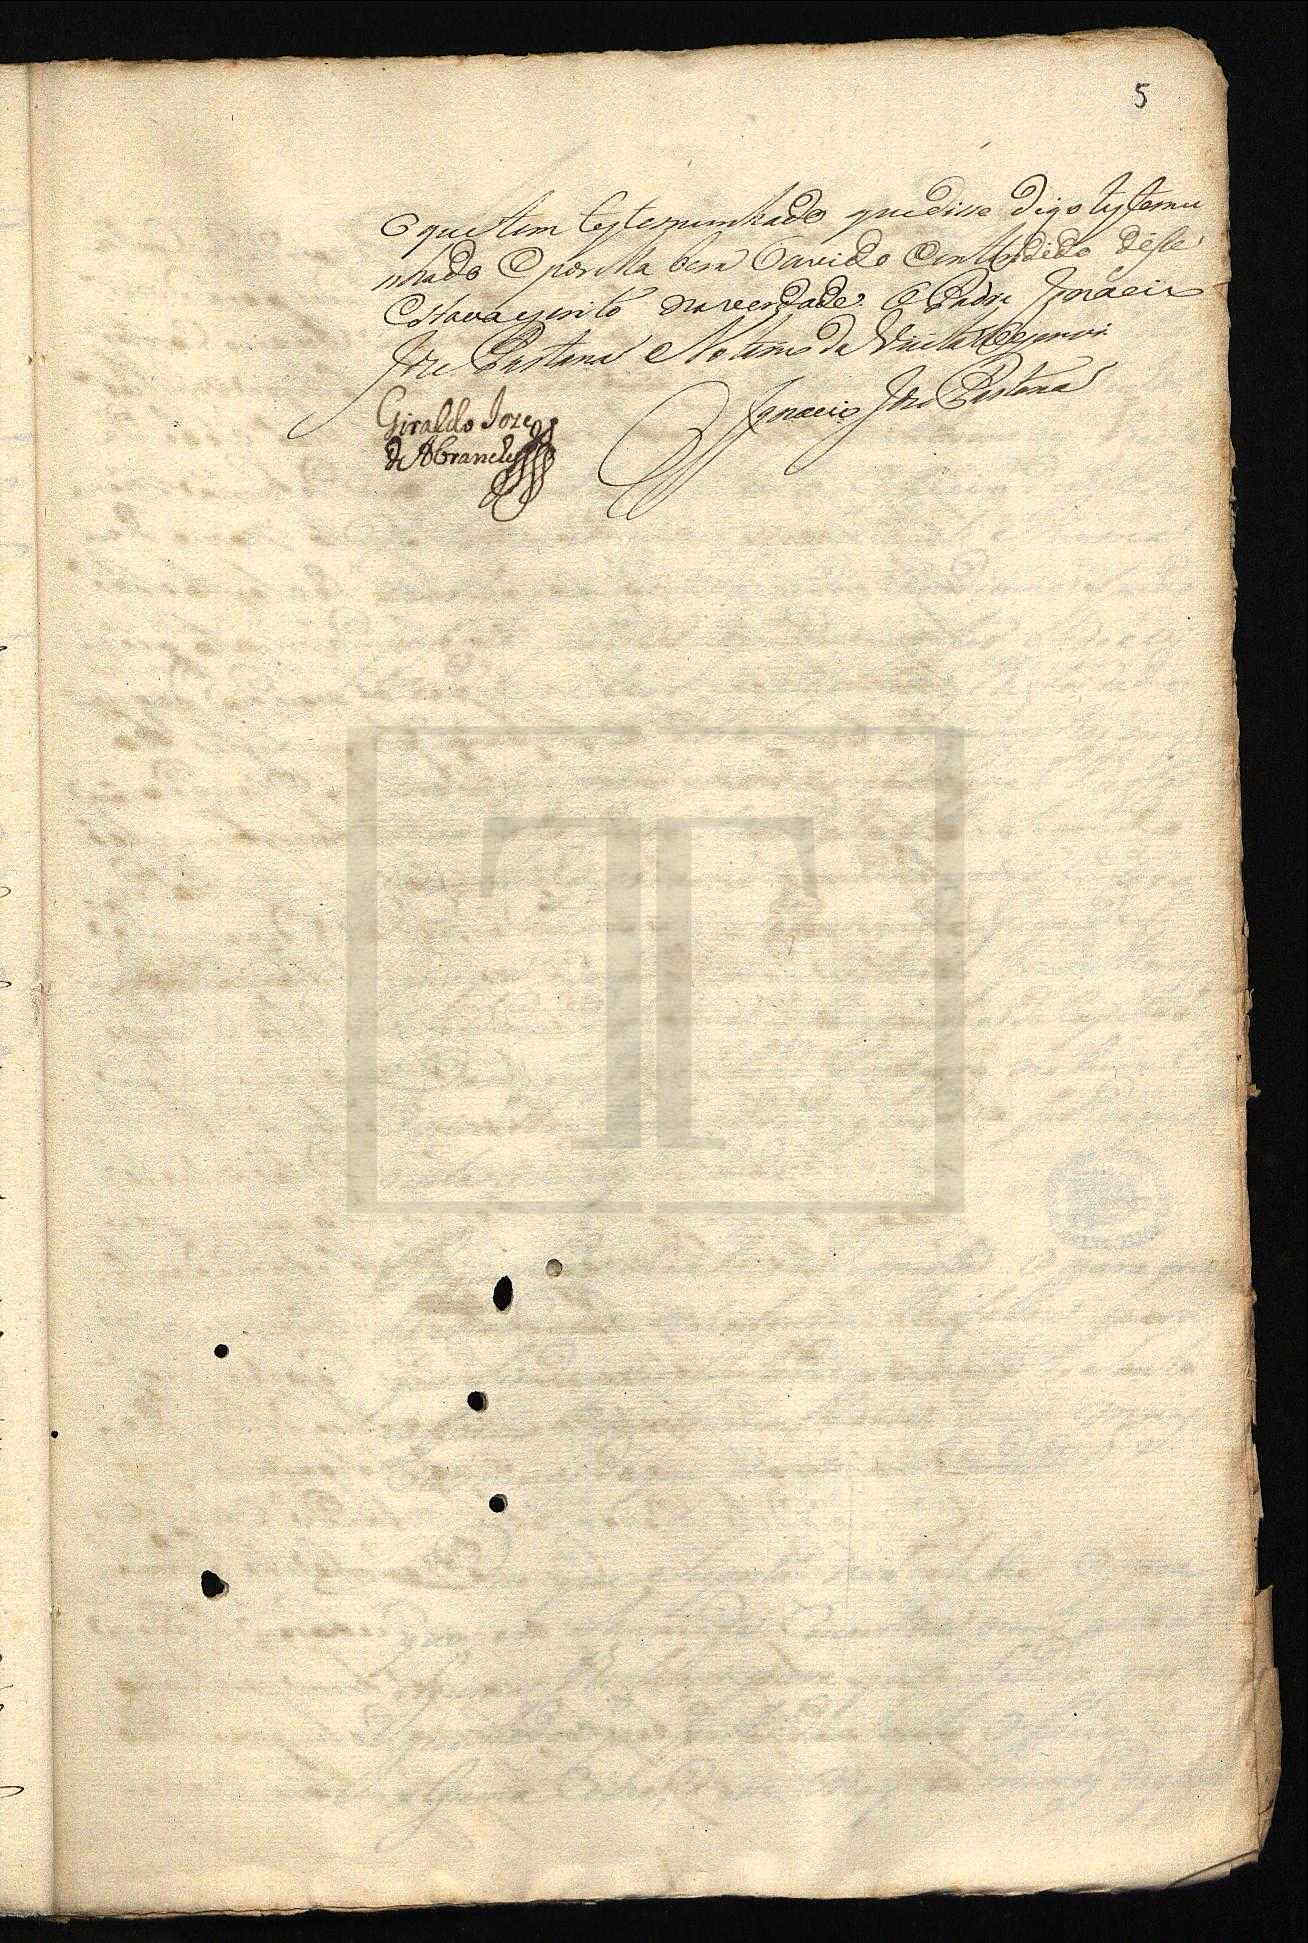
5
O que tem testemunhado que disso digo testemu
nhado e por ella bem Ouvido e entendido disse
estava escrito na verdade. O Padre Ignacio
Joze Pastana Notario da Visita o escrevi
O Jgnacio Joze Pastana
Giraldo Ioze
dAbraneles
